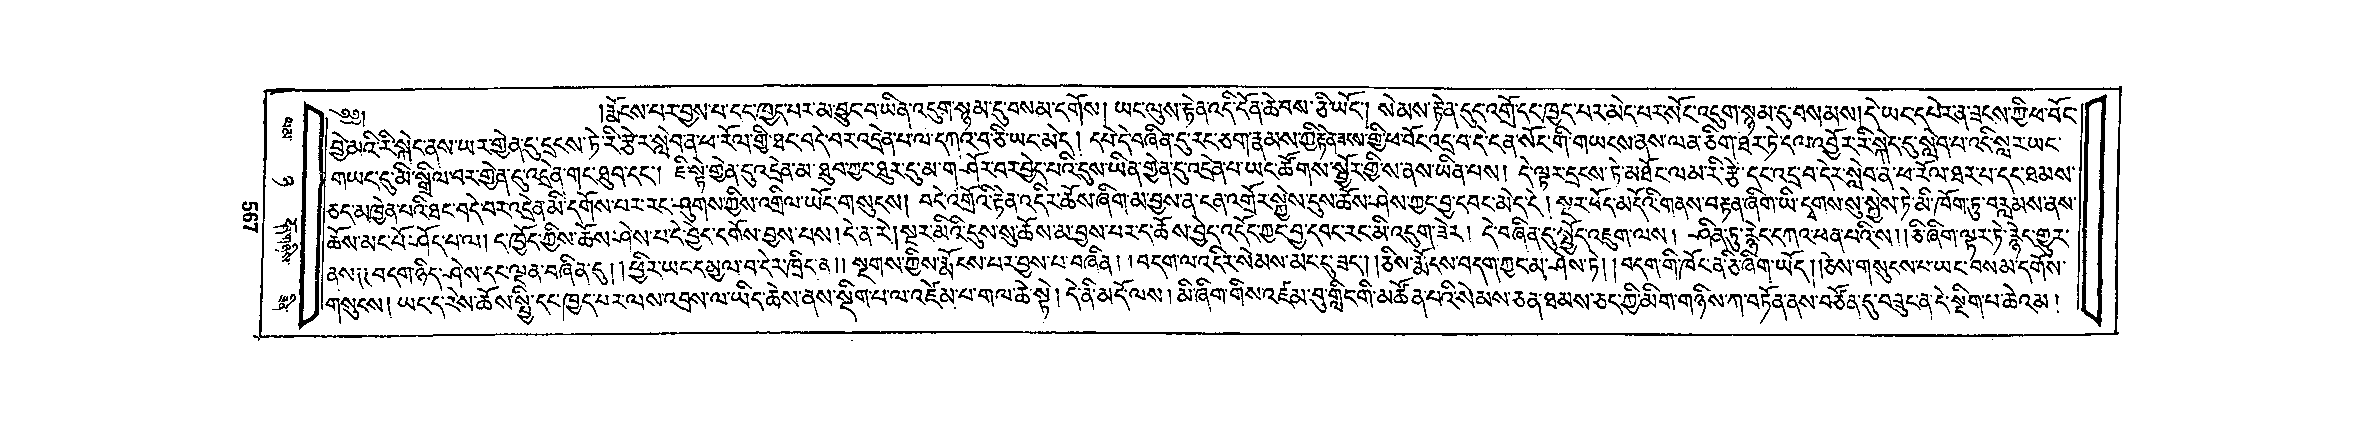༄༅། །རྨོངས་པར་བྱས་པ་དང་ཁྱད་པར་མ་བྱུང་བ་ཡིན་འདུག་སྙམ་དུ་བསམ་དགོས། ཡང་ལུས་རྟེན་འདི་དོན་ཆེ་བས་ཅི་ཡོད། སེམས་རྟེན་དུད་འགྲོ་དང་ཁྱད་པར་མེད་པར་སོང་འདུག་སྙམ་དུ་བསམས། དེ་ཡང་དཔེར་ན་ཟངས་ཀྱི་ཕ་བོང་
བྱེ་མའི་རི་སྐེད་ནས་ཡར་གྱེན་དུ་དྲངས་ཏེ་རི་རྩེར་སླེབ་ན་ཕ་རོལ་གྱི་ཐང་བདེ་བར་འདྲེན་པ་ལ་དཀའ་བ་ཅི་ཡང་མེད། དཔེ་དེ་བཞིན་དུ་རང་ཅག་རྣམས་ཀྱི་རྟེན་ཟངས་གྱི་ཕ་བོང་འདྲ་བ་དེ་ངན་སོང་གི་གཡངས་ནས་ལན་ཅིག་ཐར་ཏེ་དལ་འབྱོར་རི་སྐེད་དུ་སླེབ་པ་འདི་སླར་ཡང་
གཡང་དུ་མི་སྒྲིལ་བར་གྱེན་དུ་འདྲེན་གང་ཐུབ་དང་། ཇི་སྟེ་གྱེན་དུ་འདྲེན་མ་ཐུབ་ཀྱང་ཐུར་དུ་མ་གཤོར་བར་བྱེད་པའི་དུས་ཡིན་གྱེན་དུ་འདྲེན་པ་ཡང་ཚོགས་སྦྱོར་གྱི་ས་ནས་ཡིན་པས། དེ་ལྟར་དྲངས་ཏེ་མཐོང་ལམ་རི་རྩེ་དང་འདྲ་བ་དེར་སླེབ་ན་ཕ་རོལ་ཐར་པ་དང་ཐམས་
ཅད་མཁྱེན་པའི་ཐང་བདེ་བར་འདྲེན་མི་དགོས་པར་རང་ཤུགས་ཀྱིས་འགྲིལ་ཡོད་གསུངས། བདེ་འགྲོའི་རྟེན་འདིར་ཆོས་ཞིག་མ་བྱས་ན་ངན་འགྲོར་སྐྱེས་དུས་ཆོས་ཤེས་ཀྱང་བྱ་དབང་མེད་དེ། སྔར་ཕོད་མདོའི་གནས་བརྟན་ཞིག་ཡི་དྭགས་སུ་སྐྱེས་ཏེ་མི་ཁོག་ཏུ་བརླམས་ནས་
ཆོས་མང་པོ་ཤོད་པ་ལ། ད་ཁྱོད་ཀྱིས་ཆོས་ཤེས་པ་དེ་བྱེད་དགོས་བྱས་པས། དེ་ན་རེ། སྔར་མིའི་དུས་སུ་ཆོས་མ་བྱས་པར་ད་ཆོས་བྱེད་འདོད་ཀྱང་བྱ་དབང་རང་མི་འདུག་ཟེར། དེ་བཞིན་དུ་སྤྱོད་འཇུག་ལས། ཤིན་ཏུ་རྙེད་དཀའ་ཕན་པའི་ས། །ཅི་ཞིག་ལྟར་ཏེ་རྙེད་གྱུར་
ནས། བདག་ཉིད་ཤེས་དང་ལྡན་བཞིན་དུ། །ཕྱིར་ཡང་དམྱལ་བ་དེར་ཁྲིད་ན། །སྔགས་ཀྱིས་རྨོངས་པར་བྱས་པ་བཞིན། །བདག་ལ་འདིར་སེམས་མང་དུ་ཟད། །ཅིས་རྨོངས་བདག་ཀྱང་མ་ཤེས་ཏེ། །བདག་གི་ཁོང་ན་ཅི་ཞིག་ཡོད། །ཅེས་གསུངས་པ་ཡང་བསམ་དགོས་
གསུངས། ཡང་ད་རེས་ཆོས་སྤྱི་དང་ཁྱད་པར་ལས་འབྲས་ལ་ཡིད་ཆེས་ནས་སྡིག་པ་ལ་འཛེམ་པ་གལ་ཆེ་སྟེ། དེ་ནི་མདོ་ལས། མི་ཞིག་གིས་འཛམ་བུ་གླིང་གི་མཚོན་པའི་སེམས་ཅན་ཐམས་ཅད་ཀྱི་མིག་གཉིས་ཀ་བཏོན་ནས་བཙོན་དུ་བཟུང་ན་དེ་སྡིག་པ་ཆེའམ།